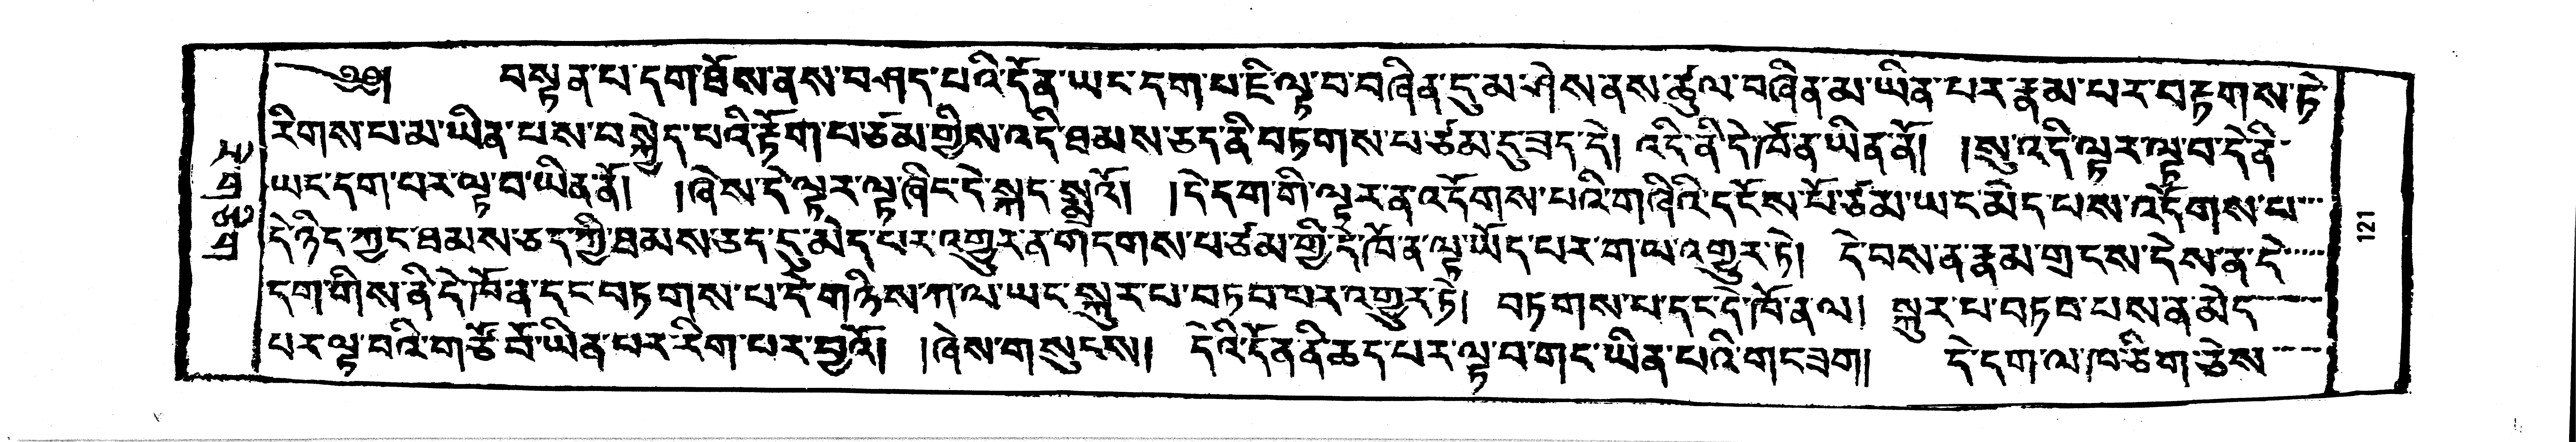༄༅། །བསྟན་པ་དག་ཐོས་ནས་བཤད་པའི་དོན་ཡང་དག་པ་ཇི་ལྟ་བ་བཞིན་དུ་མ་ཤེས་ནས་ཚུལ་བཞིན་མ་ཡིན་པར་རྣམ་པར་བརྟགས་ཏེ་
རིགས་པ་མ་ཡིན་པས་བསྐྱེད་པའི་རྟོག་པ་ཙམ་གྱིས་འདི་ཐམས་ཅད་ནི་བཏགས་པ་ཙམ་དུ་ཟད་དེ། འདི་ནི་དེ་ཁོ་ན་ཡིན་ནོ། །སུ་འདི་ལྟར་ལྟ་བ་དེ་ནི་
ཡང་དག་པར་ལྟ་བ་ཡིན་ནོ། །ཞེས་དེ་ལྟར་ལྟ་ཞིང་དེ་སྐད་སྨྲའོ། །དེ་དག་གི་ལྟར་ན་འདོགས་པའི་གཞིའི་དངོས་པོ་ཙམ་ཡང་མེད་པས་འདོགས་པ་
དེ་ཉིད་ཀྱང་ཐམས་ཅད་ཀྱི་ཐམས་ཅད་དུ་མེད་པར་འགྱུར་ན་གདགས་པ་ཙམ་གྱི་དེ་ཁོ་ན་ལྟ་ཡོད་པར་ག་ལ་འགྱུར་ཏེ། དེ་བས་ན་རྣམ་གྲངས་དེས་ན་དེ་
དག་གིས་ནི་དེ་ཁོ་ན་དང་བཏགས་པ་དེ་གཉིས་ཀ་ལ་ཡང་སྐུར་པ་བཏབ་པར་འགྱུར་ཏེ། བཏགས་པ་དང་དེ་ཁོ་ན་ལ། སྐུར་པ་བཏབ་པས་ན་མེད་
པར་ལྟ་བའི་གཙོ་བོ་ཡིན་པར་རིག་པར་བྱའོ། །ཞེས་གསུངས། དེའི་དོན་ནི་ཆད་པར་ལྟ་བ་གང་ཡིན་པའི་གང་ཟག །དེ་དག་ལ་ཁ་ཅིག་ཅེས་